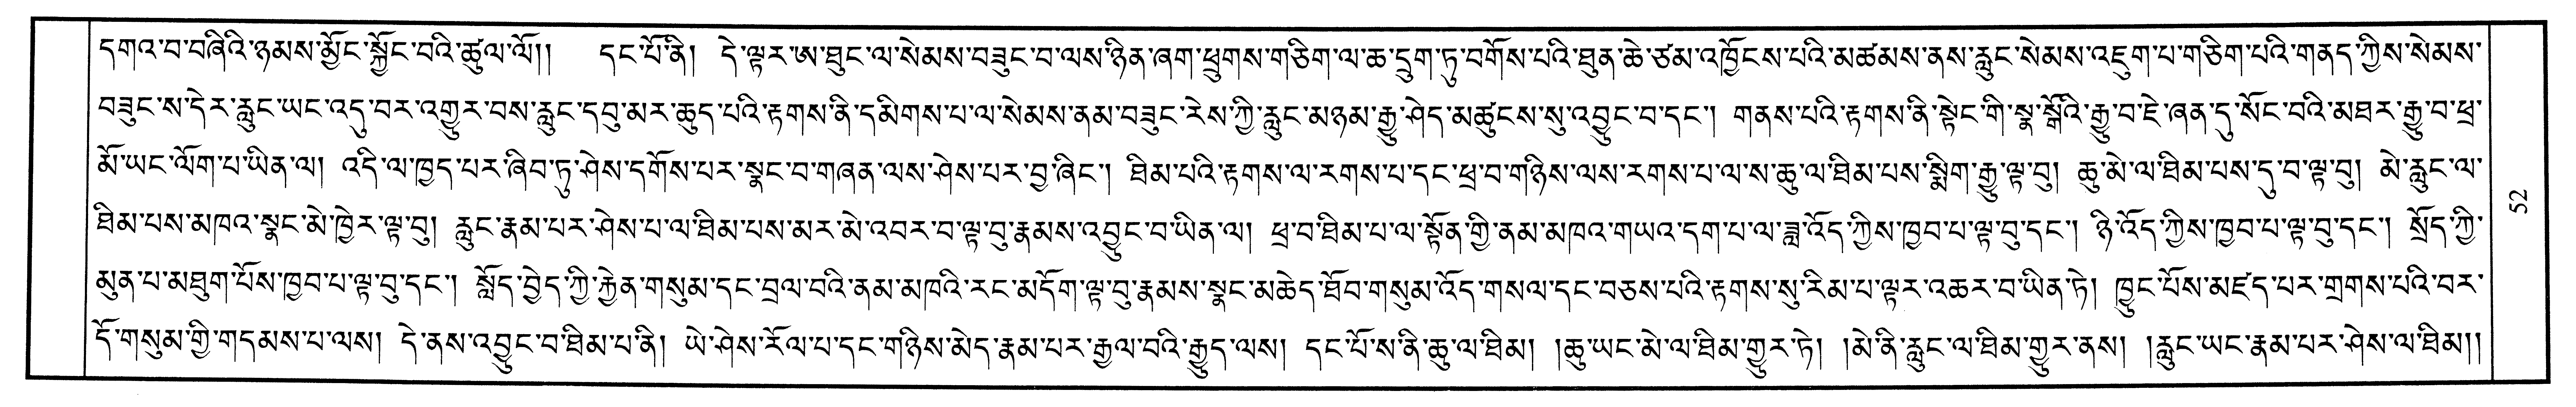དགའ་བ་བཞིའི་ཉམས་མྱོང་སྐྱོང་བའི་ཚུལ་ལོ།། དང་པོ་ནི། དེ་ལྟར་ཨ་ཐུང་ལ་སེམས་བཟུང་བ་ལས་ཉིན་ཞག་ཕྲུགས་གཅིག་ལ་ཆ་དྲུག་ཏུ་བགོས་པའི་ཐུན་ཆེ་ཙམ་འཁྱོངས་པའི་མཚམས་ནས་རླུང་སེམས་འཇུག་པ་གཅིག་པའི་གནད་ཀྱིས་སེམས་
བཟུང་ས་དེར་རླུང་ཡང་འདུ་བར་འགྱུར་བས་རླུང་དབུ་མར་ཆུད་པའི་རྟགས་ནི་དམིགས་པ་ལ་སེམས་ནམ་བཟུང་རེས་ཀྱི་རླུང་མཉམ་རྒྱུ་ཤེད་མཚུངས་སུ་འབྱུང་བ་དང་། གནས་པའི་རྟགས་ནི་སྟེང་གི་སྣ་སྒོའི་རྒྱུ་བ་ཇེ་ཞན་དུ་སོང་བའི་མཐར་རྒྱུ་བ་ཕྲ་
མོ་ཡང་ལོག་པ་ཡིན་ལ། འདི་ལ་ཁྱད་པར་ཞིབ་ཏུ་ཤེས་དགོས་པར་སྣང་བ་གཞན་ལས་ཤེས་པར་བྱ་ཞིང་། ཐིམ་པའི་རྟགས་ལ་རགས་པ་དང་ཕྲ་བ་གཉིས་ལས་རགས་པ་ལ་ས་ཆུ་ལ་ཐིམ་པས་སྨིག་རྒྱུ་ལྟ་བུ། ཆུ་མེ་ལ་ཐིམ་པས་དུ་བ་ལྟ་བུ། མེ་རླུང་ལ་
ཐིམ་པས་མཁའ་སྣང་མེ་ཁྱེར་ལྟ་བུ། རླུང་རྣམ་པར་ཤེས་པ་ལ་ཐིམ་པས་མར་མེ་འབར་བ་ལྟ་བུ་རྣམས་འབྱུང་བ་ཡིན་ལ། ཕྲ་བ་ཐིམ་པ་ལ་སྟོན་གྱི་ནམ་མཁའ་གཡའ་དག་པ་ལ་ཟླ་འོད་ཀྱིས་ཁྱབ་པ་ལྟ་བུ་དང་། ཉི་འོད་ཀྱིས་ཁྱབ་པ་ལྟ་བུ་དང་། སྲོད་ཀྱི་
མུན་པ་མཐུག་པོས་ཁྱབ་པ་ལྟ་བུ་དང་། སློད་བྱེད་ཀྱི་རྐྱེན་གསུམ་དང་བྲལ་བའི་ནམ་མཁའི་རང་མདོག་ལྟ་བུ་རྣམས་སྣང་མཆེད་ཐོབ་གསུམ་འོད་གསལ་དང་བཅས་པའི་རྟགས་སུ་རིམ་པ་ལྟར་འཆར་བ་ཡིན་ཏེ། ཁྱུང་པོས་མཛད་པར་གྲགས་པའི་བར་
དོ་གསུམ་གྱི་གདམས་པ་ལས། དེ་ནས་འབྱུང་བ་ཐིམ་པ་ནི། ཡེ་ཤེས་རོལ་བ་དང་གཉིས་མེད་རྣམ་པར་རྒྱལ་བའི་རྒྱུད་ལས། དང་པོ་ས་ནི་ཆུ་ལ་ཐིམ། །ཆུ་ཡང་མེ་ལ་ཐིམ་གྱུར་ཏེ། །མེ་ནི་རླུང་ལ་ཐིམ་གྱུར་ནས། །རླུང་ཡང་རྣམ་པར་ཤེས་ལ་ཐིམ།།